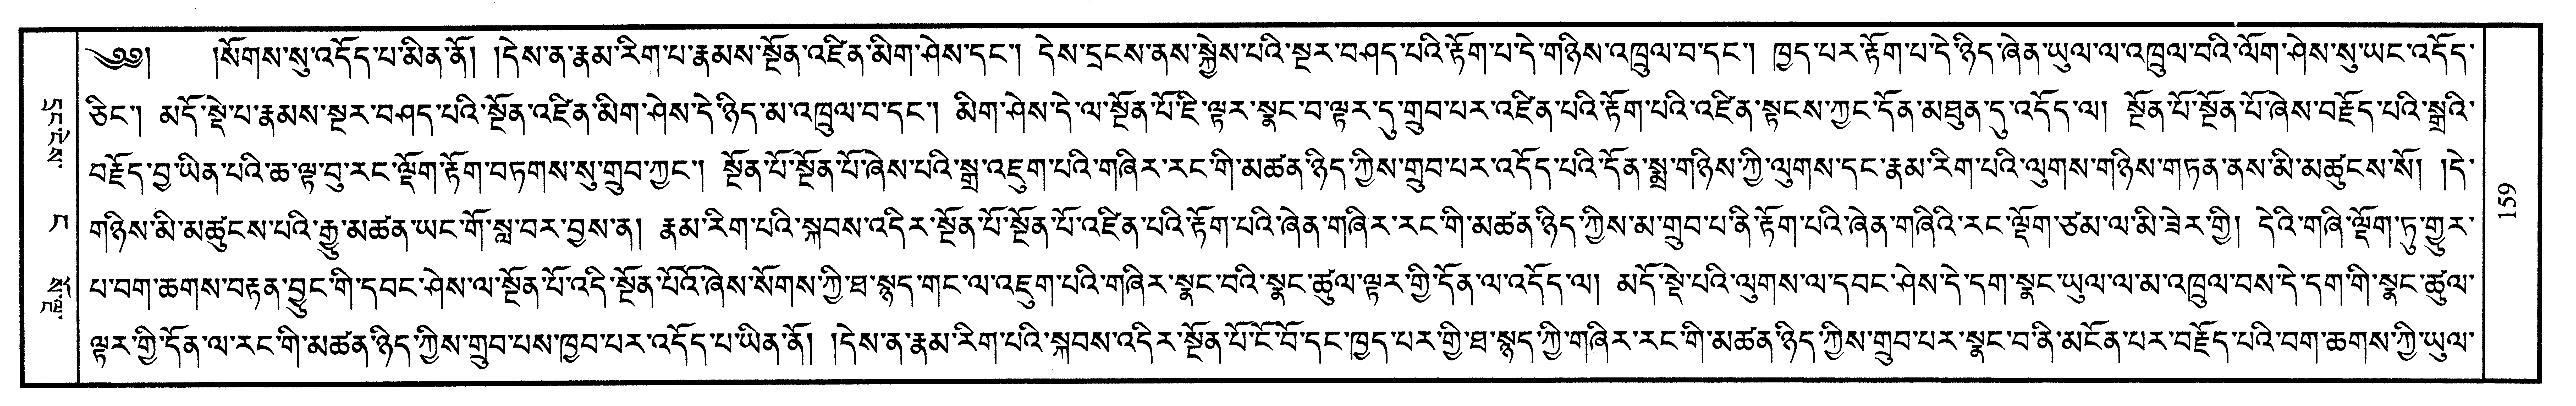༄༅། །སོགས་སུ་འདོད་པ་མིན་ནོ། །དེས་ན་རྣམ་རིག་པ་རྣམས་སྔོན་འཛིན་མིག་ཤེས་དང་། དེས་དྲངས་ནས་སྐྱེས་པའི་སྔར་བཤད་པའི་རྟོག་པ་དེ་གཉིས་འཁྲུལ་བ་དང་། ཁྱད་པར་རྟོག་པ་དེ་ཉིད་ཞེན་ཡུལ་ལ་འཁྲུལ་བའི་ལོག་ཤེས་སུ་ཡང་འདོད་
ཅིང་། མདོ་སྡེ་པ་རྣམས་སྔར་བཤད་པའི་སྔོན་འཛིན་མིག་ཤེས་དེ་ཉིད་མ་འཁྲུལ་བ་དང་། མིག་ཤེས་དེ་ལ་སྔོན་པོ་ཇི་ལྟར་སྣང་བ་ལྟར་དུ་གྲུབ་པར་འཛིན་པའི་རྟོག་པའི་འཛིན་སྟངས་ཀྱང་དོན་མཐུན་དུ་འདོད་ལ། སྔོན་པོ་སྔོན་པོ་ཞེས་བརྗོད་པའི་སྒྲའི་
བརྗོད་བྱ་ཡིན་པའི་ཆ་ལྟ་བུ་རང་ལྡོག་རྟོག་བཏགས་སུ་གྲུབ་ཀྱང་། སྔོན་པོ་སྔོན་པོ་ཞེས་པའི་སྒྲ་འཇུག་པའི་གཞིར་རང་གི་མཚན་ཉིད་ཀྱིས་གྲུབ་པར་འདོད་པའི་དོན་སྨྲ་གཉིས་ཀྱི་ལུགས་དང་རྣམ་རིག་པའི་ལུགས་གཉིས་གཏན་ནས་མི་མཚུངས་སོ། །དེ་
གཉིས་མི་མཚུངས་པའི་རྒྱུ་མཚན་ཡང་གོ་སླ་བར་བྱས་ན། རྣམ་རིག་པའི་སྐབས་འདིར་སྔོན་པོ་སྔོན་པོ་འཛིན་པའི་རྟོག་པའི་ཞེན་གཞིར་རང་གི་མཚན་ཉིད་ཀྱིས་མ་གྲུབ་པ་ནི་རྟོག་པའི་ཞེན་གཞིའི་རང་ལྡོག་ཙམ་ལ་མི་ཟེར་གྱི། དེའི་གཞི་ལྡོག་ཏུ་གྱུར་
པ་བག་ཆགས་བརྟན་བྱུང་གི་དབང་ཤེས་ལ་སྔོན་པོ་འདི་སྔོན་པོའོ་ཞེས་སོགས་ཀྱི་ཐ་སྙད་གང་ལ་འཇུག་པའི་གཞིར་སྣང་བའི་སྣང་ཚུལ་ལྟར་གྱི་དོན་ལ་འདོད་ལ། མདོ་སྡེ་པའི་ལུགས་ལ་དབང་ཤེས་དེ་དག་སྣང་ཡུལ་ལ་མ་འཁྲུལ་བས་དེ་དག་གི་སྣང་ཚུལ་
ལྟར་གྱི་དོན་ལ་རང་གི་མཚན་ཉིད་ཀྱིས་གྲུབ་པས་ཁྱབ་པར་འདོད་པ་ཡིན་ནོ། །དེས་ན་རྣམ་རིག་པའི་སྐབས་འདིར་སྔོན་པོ་ངོ་བོ་དང་ཁྱད་པར་གྱི་ཐ་སྙད་ཀྱི་གཞིར་རང་གི་མཚན་ཉིད་ཀྱིས་གྲུབ་པར་སྣང་བ་ནི་མངོན་པར་བརྗོད་པའི་བག་ཆགས་ཀྱི་ཡུལ་